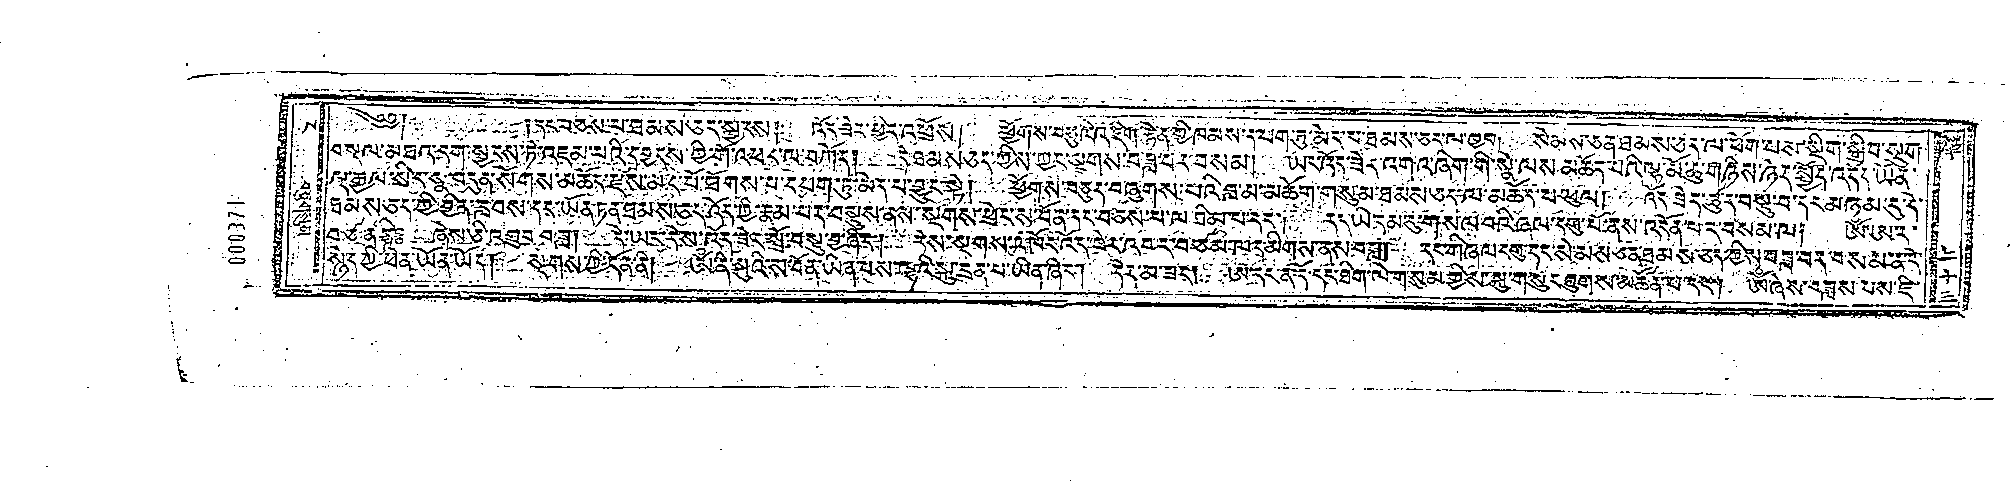༄༅། །དང་བཅས་པ་ཐམས་ཅད་སྦྱངས། འོད་ཟེར་ཕྱིར་འཕྲོས། ཕྱོགས་བཅུའི་འཇིགས་རྟེན་གྱི་ཁམས་དཔག་ཏུ་མེད་པ་ཐམས་ཅད་ལ་ཁྱབ། སེམས་ཅན་ཐམས་ཅད་ལ་ཕོག་པས་སྡིག་སྒྲིབ་སྡུག་
བསྔལ་མཐའ་དག་སྦྱངས་ཏེ་འཇམ་པའི་དབྱངས་ཀྱི་གོ་འཕང་ལ་བཀོད། དེ་ཐམས་ཅད་ཀྱིས་ཀྱང་སྔགས་བཟླ་པར་བསམ། ཡང་འོད་ཟེར་འགའ་ཞིག་གི་སྣེ་ལས་མཆོད་པའི་ལྷ་མོ་ཆུ་གཉིས་ཉེར་སྤྱོད་འདོད་ཡོན་
ལྔ་རྒྱལ་སྲིད་སྣ་བདུན་སོགས་མཆོད་རྫས་མང་པོ་ཐོགས་པ་དཔག་ཏུ་མེད་པ་བྱུང་སྟེ། ཕྱོགས་བཅུར་བཞུགས་པའི་བླ་མ་མཆོག་གསུམ་ཐམས་ཅད་ལ་མཆོད་པ་ཕུལ། འོད་ཟེར་ཚུར་བསྡུ་བ་དང་མཉམ་དུ་དེ་
ཐམས་ཅད་ཀྱི་བྱིན་རླབས་དང་ཡོན་ཏན་ཐམས་ཅད་འོད་ཀྱི་རྣམ་པར་བསྡུས་ནས་སྔགས་ཕྲེང་བོན་དང་བཅས་པ་ལ་ཐིམ་པ་དང་། རང་ཡི་དམ་དུ་གསལ་བའི་ཞལ་དགུ་པོ་ནས་འདོན་པར་བསམ་ལ། ཨོཾ་ཨ་ར་
བཙ་ན་དྷཱིཿ་ཞེས་ཅི་འགྲུབ་བཟླ། དེ་ཡང་རེས་འོད་ཟེང་སྤྲོ་བསྡུ་བྱ་ཞིང་། རེས་སྔགས་འཁོར་འོད་ཟེར་འབར་བ་ཙམ་ལ་དམིགས་ནས་བཟླ། རང་གི་ཞལ་དགུ་དང་སེམས་ཅན་ཐམས་ཅད་ཀྱིས་བཟླ་བར་བསམ་ན་དེ་
སྙེད་ཀྱི་ཕན་ཡོན་ཡོད། སྔགས་ཀྱི་དོན་ནི། ཨོཾ་ནི་སྐུའི་ས་བོན་ཡིན་པས་ལྷའི་སྐུ་དྲན་པ་ཡིན་ཞིང་། དེར་མ་ཟད། ཨ་དང་ན་རོ་དང་ཐིག་ལེ་གསུམ་གྱིས་སྐུ་གསུང་ཐུགས་མཚོན་པ་དང་། ཨོཾ་ཞེས་བཟླས་པས་ཇི་